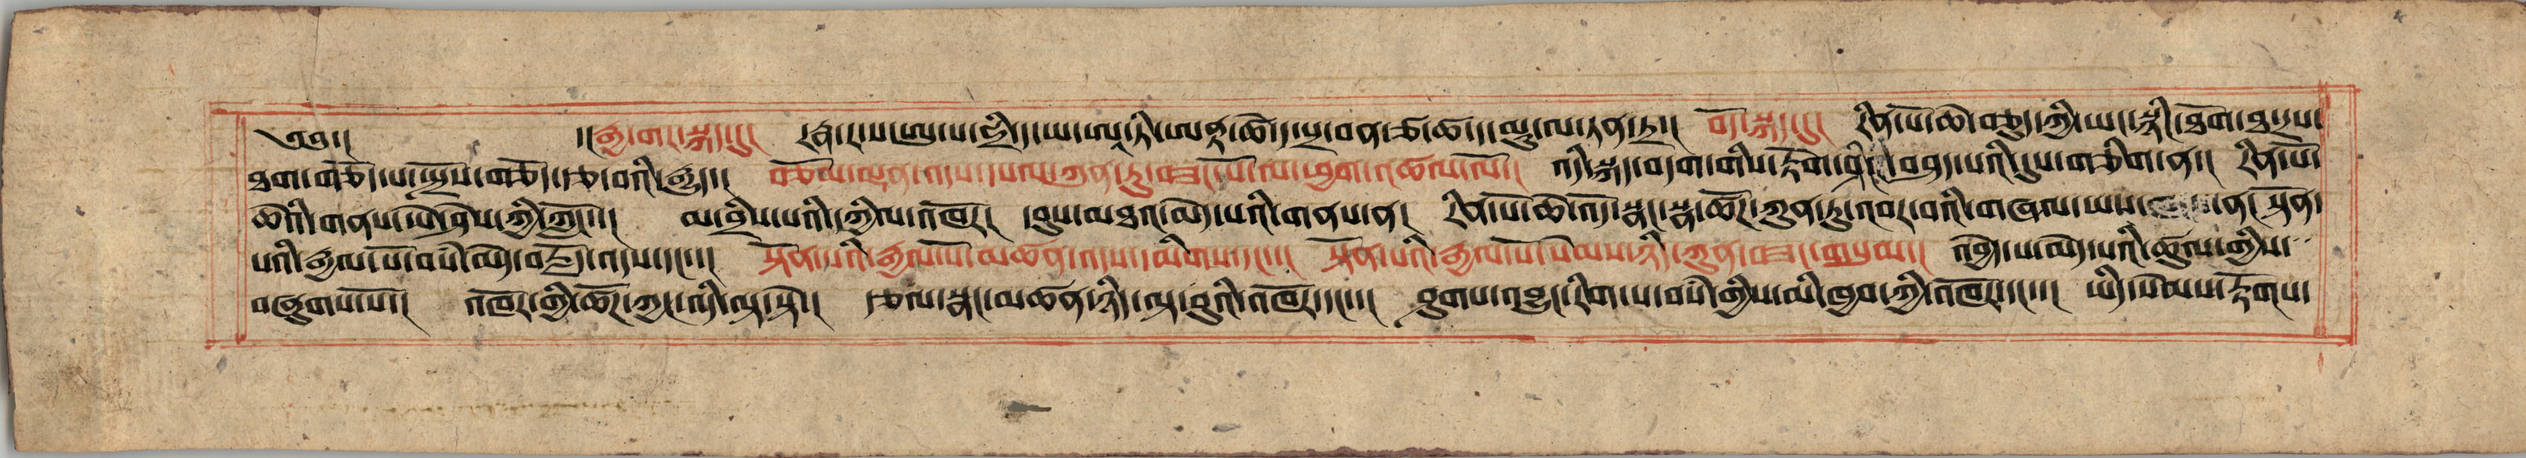༄༅་། ་།རྒྱ་གར་སྐད་དུ། རཏྣ་ར་ས་ཨུ་པ་ཧྲི་ད་ཡ་ཨཱ་ཏི་ཨནྟ་ཚེ་ད་པྲ་བན་ཙ་ཚ་ད་མཱུ་ལ་ཏན་ཏྲ་། བོད་སྐད་དུ། རིན་པོ་ཆེ་བཅུད་ཀྱི་ཡང་སྙིང་ཐོག་ཐ་དྲས་
ཐག་གཅོད་པ་སྤྲོས་གཅོད་རྩ་བའི་རྒྱུད་། བཅོམ་ལྡན་འདས་དཔལ་ཀུན་ཏུ་བཟང་པོ་ལ་ཕྱག་འཚལ་ལོ་། འདི་སྐད་བདག་གིས་རྟོག་ཤིང་བཤད་པའི་དུས་གཅིག་ན་། རིན་པོ་
ཆེའི་གནས་ཡེ་ཤེས་ཀྱི་ཀློང་་། མ་བྲིས་པའི་དཀྱིལ་འཁོར། དབུས་མཐའ་མེད་པའི་གནས་ན། རིན་པོ་ཆེ་འོད་སྣང་སྣ་ཚོཌ་ཀུན་ཏུ་འབར་བའི་གཞལ་ཡས་ཁང་ན། སྟོན་
པའི་རྒྱལ་པོ་བསཾ་མེད་བརྗོད་འདས་དང་་། སྟོན་པའི་རྒྱལ་པོ་མཚན་འདས་དམིགས་དང་་། སྟོན་པའི་རྒྱལ་པོ་སེམས་ཉིད་ཀུན་བཟང་གསུམ་། འབྱེད་པ་མེད་པའི་ཚུལ་གྱིས་
བཞུགས་སོ་། འཁོར་གྱི་ཚོཌ་ཀྱང་འདི་ལྟ་སྟེ་། རྩལ་སྣང་མཚན་ཉིད་ལྟ་བུའི་འཁོར་དང་་། ཤུགས་འབྱུང་རིག་པ་བསཾ་གྱིས་མི་ཁྱབ་ཀྱི་འཁོར་དང་་། ཡིད་སེམས་རྟོགས་